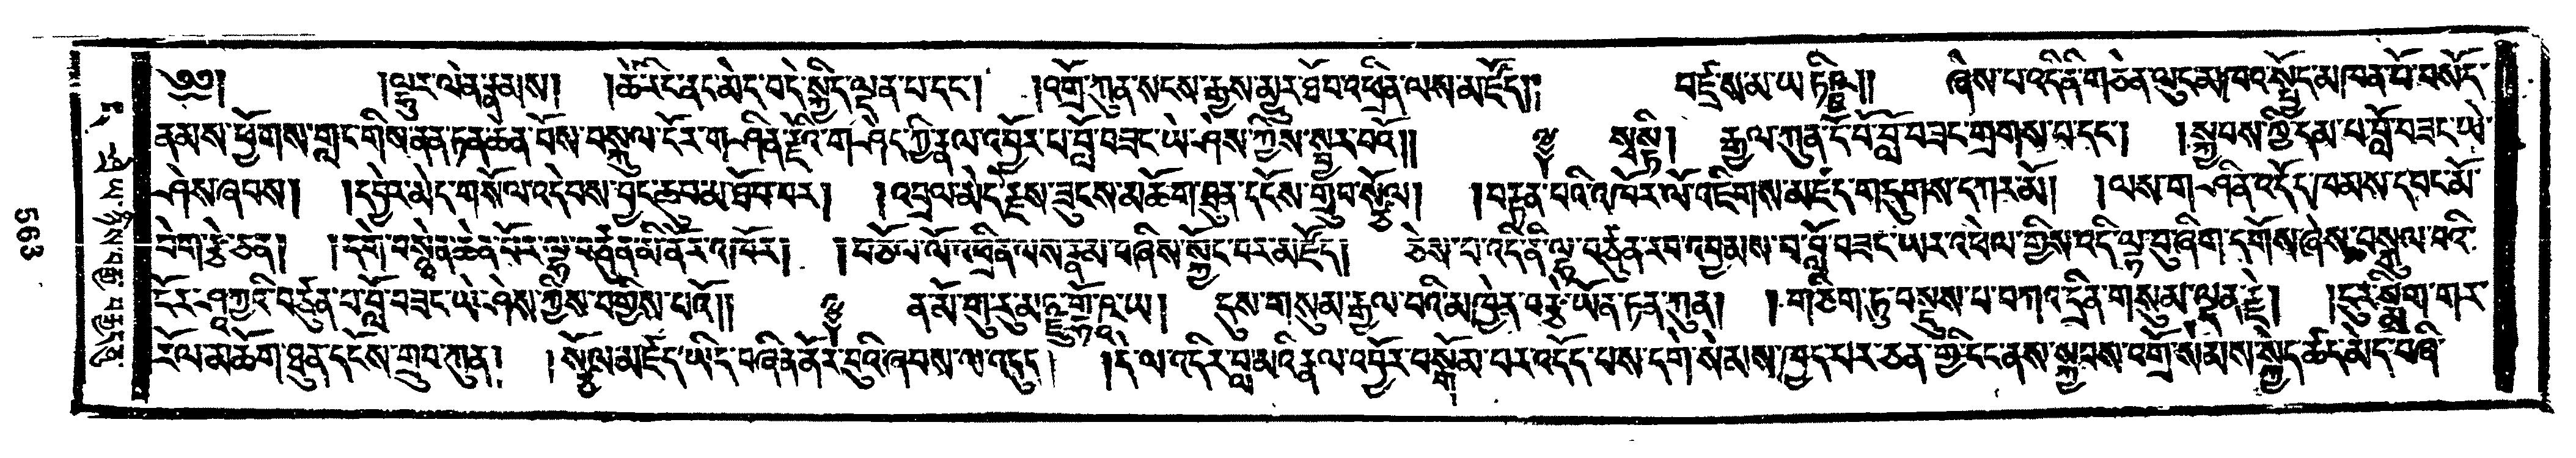༄༅། །ལྷུར་ལེན་རྣམས། །ཚེ་རིང་ནང་མེད་བདེ་སྐྱིད་ལྡན་པ་དང་། །འགྲོ་ཀུན་སངས་རྒྱས་མྱུར་ཐོབ་འཕྲིན་ལས་མཛོད།། བཛྲ་ས་མ་ཡ་ཏིཥཊཿཨ། ཞེས་པ་འདི་ནི་གཅེན་ལུང་མཁའ་སྤྱོད་མཁན་པོ་བསོད་
ནམས་ཕྱོགས་གླང་གིས་ནན་ཏན་ཆེན་པོས་བསྐུལ་ངོར་གཤིན་རྗེའི་གཤེད་ཀྱི་རྣལ་འབྱོར་བ་བློ་བཟང་ཡེ་ཤེས་ཀྱིས་སྦྱར་བའོ།། ༈ སྭསྟི། རྒྱལ་ཀུན་ངོ་བོ་བློ་བཟང་གྲགས་པ་དང་། །སྐྱབས་ཀྱི་དམ་པ་བློ་བཟང་ཡེ་
ཤེས་ཞབས། །དབྱེར་མེད་གསོལ་འདེབས་བྱང་ཆུབ་མ་ཐོབ་བར། །འབྲལ་མེད་རྫེས་ཟུངས་མཆོག་ཐུན་དངོས་གྲུབ་སྩོལ། །བརྟན་པའི་འཁོར་ལོ་འཇིགས་མཛད་གདུགས་དཀར་མོ། །ལས་གཤིན་འདོད་ཁམས་དབང་མོ་
བེག་རྩེ་ཅན། །དགེ་བསྙེན་ཆེན་པོར་ལྷ་བཙུན་མི་ནོར་འཁོར། །བཅོལ་ལོ་འཕྲིན་ལས་རྣམ་བཞིས་སྐྱོང་བར་མཛོད། །ཅེས་པ་འདི་ནི་ལྷ་བཙུན་རབ་འབྱམས་པ་བློ་བཟང་ཡར་འཕེལ་གྱིས་འདི་ལྟ་བུ་ཞིག་དགོས་ཞེས་བསྐུལ་བའི་
ངོར་ཤཱཀྱའི་བཙུན་པ་བློ་བཟང་ཡེ་ཤེས་ཀྱིས་བགྱིས་པའོ།། ༈ ན་མོ་གུ་རུ་མཉྫུ་གྷོ་ཥཱ་ཡ། དུས་གསུམ་རྒྱལ་བའི་མཁྱེན་བརྩེ་ཡོན་ཏན་ཀུན། །གཅིག་ཏུ་བསྡུས་པ་བཀའ་དྲིན་གསུམ་ལྡན་རྗེ། །དུར་སྨྲིག་གར་
རོལ་མཆོག་ཐུན་དངོས་གྲུབ་ཀུན། །སྩོལ་མཛད་ཡིད་བཞིན་ནོར་བུའི་ཞབས་ལ་འདུད། །དེ་ལ་འདིར་བླ་མའི་རྣལ་འབྱོར་བསྒོམ་པར་འདོད་པས་དགེ་སེམས་ཁྱད་པར་ཅན་གྱི་ངང་ནས་སྐྱབས་འགྲོ་སེམས་སྐྱེད་ཚད་མེད་བཞི་